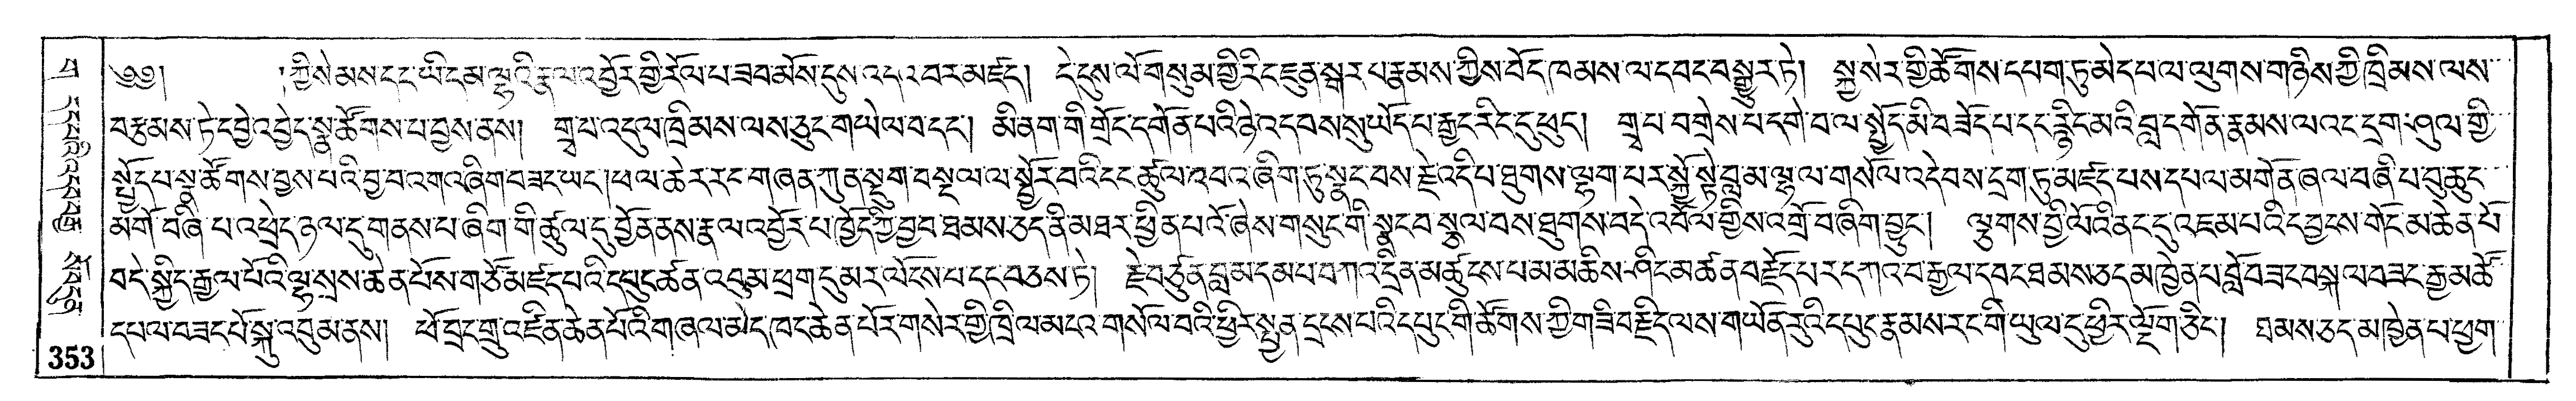༄༅། །ཀྱི་སེམས་དང་ཡི་དམ་ལྷའི་རྣལ་འབྱོར་གྱི་རོལ་པ་ཟབ་མོས་དུས་འདའ་བར་མཛད། དེ་དུས་ལོ་གསུམ་གྱི་རིང་ཇུན་སྒར་པ་རྣམས་ཀྱིས་བོད་ཁམས་ལ་དབང་བསྒྱུར་ཏེ། སྐྱ་སེར་གྱི་ཚོགས་དཔག་ཏུ་མེད་པ་ལ་ལུགས་གཉིས་ཀྱི་ཁྲིམས་ལས་
བརྩམས་ཏེ་དབྱེ་འབྱེད་སྣ་ཚོགས་པ་བྱས་ནས། གྲྭ་པ་འདུལ་ཁྲིམས་ལས་ཅུང་གཡེལ་བ་དང་། མི་ནག་གི་གྲོང་དགོན་པའི་ཉེ་འདབས་སུ་ཡོད་པ་རྒྱད་རིང་དུ་ཕུད། གྲྭ་པ་བགྲེས་པ་དགེ་བ་ལ་སྦྱོར་མི་བཟོད་པ་དང་རྙིང་མའི་བླ་དགོན་རྣམས་ལའང་དྲག་ཤུལ་གྱི་
སྤྱོད་པ་སྣ་ཚོགས་བྱས་པའི་བྱ་བ་འགའ་ཞིག་བཟང་ཡང་། ཕལ་ཆེར་རང་གཞན་ཀུན་སྡུག་བསྔལ་ལ་སྦྱོར་བའི་ངང་ཚུལ་འབའ་ཞིག་ཏུ་སྣང་བས་རྗེ་འདི་པ་ཐུགས་ལྷག་པར་སྐྱོ་སྟེ་བླ་མ་ལྷ་ལ་གསོལ་འདེབས་དྲག་ཏུ་མཛད་པས་དཔལ་མགོན་ཞལ་བཞི་པ་བུ་ཆུང་
མགོ་བཞི་པ་འཕྲེད་ཉལ་དུ་གནས་པ་ཞིག་གི་ཚུལ་དུ་བྱོན་ནས་རྣལ་འབྱོར་པ་ཁྱོད་ཀྱི་བྱ་བ་ཐམས་ཅད་ནི་མཐར་ཕྱིན་པའོ་ཞེས་གསུང་གི་སྣང་བ་སྩལ་པས་ཐུགས་བདེ་འབོལ་གྱིས་འགྲོ་བ་ཞིག་བྱུང་། ལྕགས་བྱི་ལོའི་ནང་དུ་འཇམ་པའི་དབྱངས་གོང་མ་ཆེན་པོ་
བདེ་སྐྱིད་རྒྱལ་པོའི་ལྷ་སྲས་ཆེན་པོས་གཙོ་མཛད་པའི་དཔུང་ཆེན་འབུམ་ཕྲག་དུ་མར་ལོངས་པ་དང་བཅས་ཏེ། རྗེ་བཙུན་བླ་མ་དམ་པ་བཀའ་དྲིན་མཚུངས་པ་མ་མཆིས་ཤིང་མཚན་བརྗོད་པར་དཀའ་བ་རྒྱལ་དབང་ཐམས་ཅད་མཁྱེན་པ་བློ་བཟང་བསྐལ་བཟང་རྒྱ་མཚོ་
དཔལ་བཟང་པོ་སྐུ་འབུམ་ནས། ཕོ་བྲང་གྲུ་འཛིན་ཆེན་པོའི་གཞལ་མེད་ཁང་ཆེན་པོར་གསེར་གྱི་ཁྲི་ལ་མངའ་གསོལ་བའི་ཕྱིར་སྤྱན་དྲངས་པའི་དབུང་གི་ཚོགས་ཀྱི་གཟི་བརྗིད་ལས་གཡོན་རུའི་དཔུང་རྣམས་རང་གི་ཡུལ་དུ་ཕྱིར་ལྡོག་ཅིང་། ཐམས་ཅད་མཁྱེན་པ་ཕྱག་